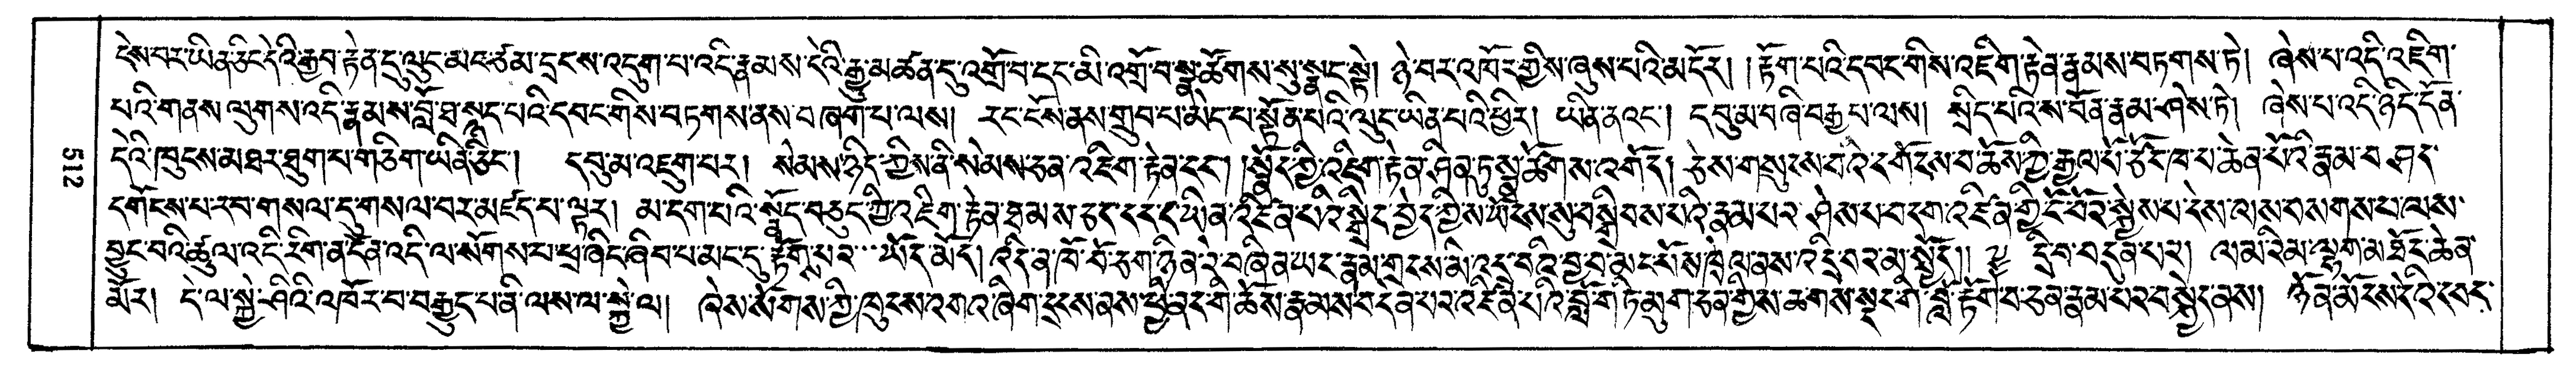ངེས་པར་ཡིན་ཅིང་དེའི་རྒྱབ་རྟེན་དུ་ལུང་མང་ཙམ་དྲངས་འདུག་པ་འདི་རྣམས་དེའི་རྒྱུ་མཚན་དུ་འགྲོ་བ་དང་མི་འགྲོ་བ་སྣ་ཚོགས་སུ་སྣང་སྟེ། ཉེ་བར་འཁོར་གྱིས་ཞུས་པའི་མདོར། །རྟོག་པའི་དབང་གིས་འཇིག་རྟེན་རྣམས་བཏགས་ཏེ། ཞེས་པ་འདི་འཇིག་
པའི་གནས་ལུགས་འདི་རྣམས་བློ་ཐ་སྙད་པའི་དབང་གིས་བཏགས་ནས་བཞག་པ་ལས། རང་ངོས་ནས་གྲུབ་པ་མེད་པ་སྟོན་པའི་ལུང་ཡིན་པའི་ཕྱིར། ཡིན་ནའང་། དབུ་མ་བཞི་བརྒྱ་པ་ལས། སྲིད་པའི་ས་བོན་རྣམ་ཤེས་ཏེ། ཞེས་པ་འདི་ཉིད་དོན་
དེའི་ཁུངས་མཐར་ཐུག་བ་གཅིག་ཡིན་ཅིང་། དབུམ་འཇུག་པར། སེམས་ཉིད་ཀྱིས་ནི་སེམས་ཅན་འཇིག་རྟེན་དང་། །སྣོད་ཀྱི་འཇིག་རྟེན་ཤིན་ཏུ་སྣ་ཚོགས་འགོད། ཅེས་གསུངས་པའི་དགོངས་པ་ཆོས་ཀྱི་རྒྱལ་པོ་ཙོང་ཁ་པ་ཆེན་པོའི་རྣམ་བཤད་
དགོངས་པ་རབ་གསལ་དུ་གསལ་བར་མཛད་པ་ལྟར། མ་དག་པའི་སྣོད་བཅུད་ཀྱི་འཇིག་རྟེན་ཐམས་ཅད་དང་ང་ཡིར་འཛིན་པའི་སྒྲིབ་བྱེད་ཀྱིས་ཡོངས་སུ་བསྒྲིབས་པའི་རྣམ་པར་ཤེས་པ་བདག་འཛིན་གྱི་ངོ་བོར་སྐྱེས་པ་དེས་ལས་བསགས་པ་ལས་
བྱུང་བའི་ཚུལ་འདི་རིག་ན་དོན་འདི་ལ་སོགས་པ་ཕྲ་ཞིང་ཞིབ་པ་མང་དུ་རྟོགས་པར་ཡོད་མོད། འདི་ན་ཁོ་བོ་ཅག་ཉིན་རེ་བཞིན་ཡང་རྣམ་གྲངས་མི་འདྲ་བའི་བྱ་བ་མང་པོས་བྲེལ་ནས་འདྲི་བར་མ་སྤྱོད།། ༈ དྲི་བ་བདུན་པར། ལམ་རིམ་ལྷག་མཐོང་ཆེན་
མོར༑ དེ་ལ་སྐྱེ་ཤིའི་འཁོར་བ་བརྒྱུད་པ་ནི་ལས་ལ་སྐྱེ་ལ། ཞེས་སོགས་ཀྱི་ཁུངས་འགའ་ཞིག་དྲངས་ནས་ཕྱི་ནང་གི་ཆོས་རྣམས་བདེན་པར་འཛིན་པའི་བློ་གཏི་མུག་ཅན་གྱིས་ཆགས་སྡང་གི་བློ་རྟོག་པ་ཅན་རྣམ་པར་བསྐྱེད་ནས། ཉོན་མོངས་དེའི་དབང་